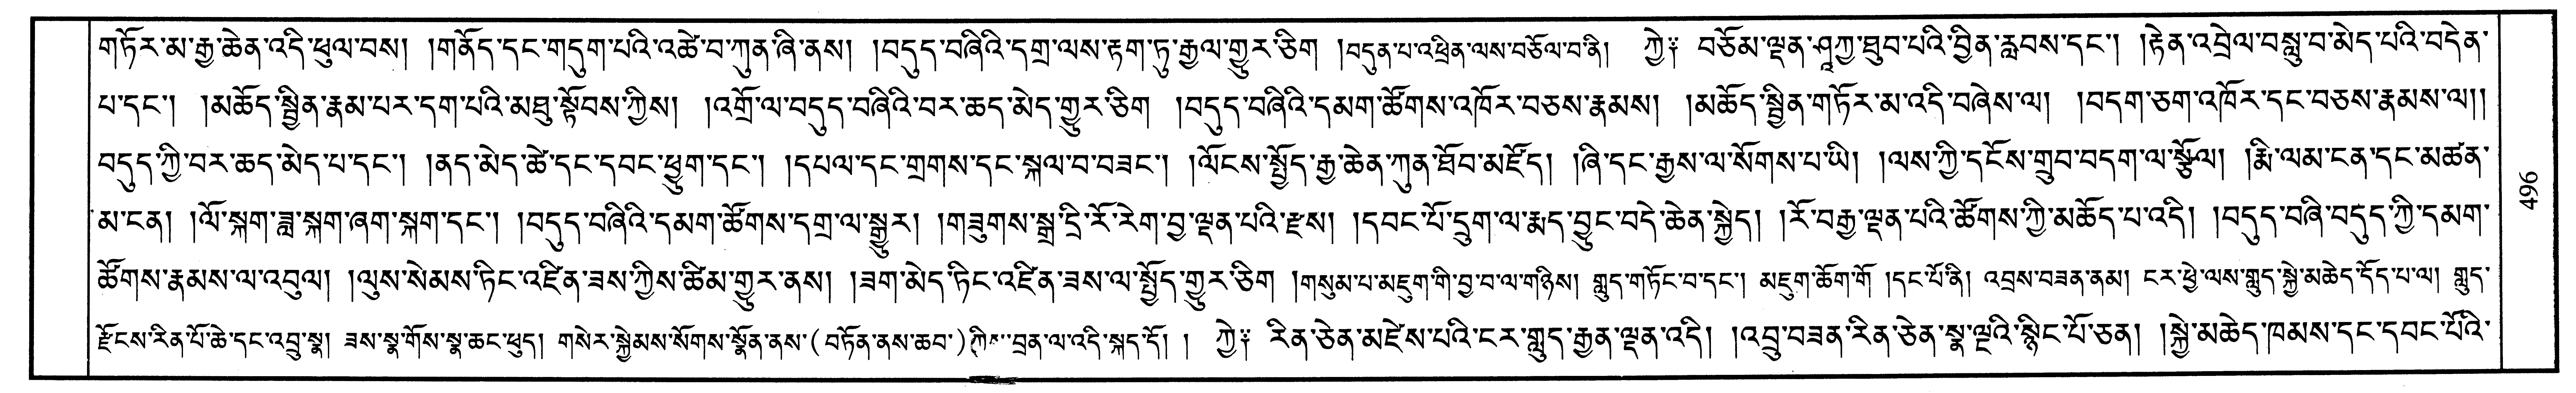གཏོར་མ་རྒྱ་ཆེན་འདི་ཕུལ་བས། །གནོད་དང་གདུག་པའི་འཚེ་བ་ཀུན་ཞི་ནས། །བདུད་བཞིའི་དགྲ་ལས་རྟག་ཏུ་རྒྱལ་གྱུར་ཅིག །བདུན་པ་འཕྲིན་ལས་བཅོལ་བ་ནི། ཀྱེ༈ བཅོམ་ལྡན་འདས་ཤཱཀྱ་ཐུབ་པའི་བྱིན་རླབས་དང་། །རྟེན་འབྲེལ་བསླུ་བ་མེད་པའི་བདེན་
པ་དང་། །མཆོད་སྦྱིན་རྣམ་པར་དག་པའི་མཐུ་སྟོབས་ཀྱིས། །འགྲོ་ལ་བདུད་བཞིའི་བར་ཆད་མེད་གྱུར་ཅིག །བདུད་བཞིའི་དམག་ཚོགས་འཁོར་བཅས་རྣམས། །མཆོད་སྦྱིན་གཏོར་མ་འདི་བཞེས་ལ། །བདག་ཅག་འཁོར་དང་བཅས་རྣམས་ལ། །
བདུད་ཀྱི་བར་ཆད་མེད་པ་དང་། །ནད་མེད་ཚེ་དང་དབང་ཕྱུག་དང་། །དཔལ་དང་གྲགས་དང་སྐལ་བ་བཟང་། །ལོངས་སྤྱོད་རྒྱ་ཆེན་ཀུན་ཐོབ་མཛོད། །ཞི་དང་རྒྱས་ལ་སོགས་པ་ཡི། །ལས་ཀྱི་དངོས་གྲུབ་བདག་ལ་སྩོལ། །རྨི་ལམ་ངན་དང་མཚན་
མ་ངན། །ལོ་སྐག་ཟླ་སྐག་ཞག་སྐག་དང་། །བདུད་བཞིའི་དམག་ཚོགས་དགྲ་ལ་སྒྱུར། །གཟུགས་སྒྲ་དྲི་རོ་རེག་བྱ་ལྡན་པའི་རྫས། །དབང་པོ་དྲུག་ལ་རྨད་བྱུང་བདེ་ཆེན་སྐྱེད། །རོ་བརྒྱ་ལྡན་པའི་ཚོགས་ཀྱི་མཆོད་པ་འདི། །བདུད་བཞི་བདུད་ཀྱི་དམག་
ཚོགས་རྣམས་ལ་འབུལ། །ལུས་སེམས་ཏིང་འཛིན་ཟས་ཀྱིས་ཚིམ་གྱུར་ནས། །ཟག་མེད་ཏིང་འཛིན་ཟས་ལ་སྤྱོད་གྱུར་ཅིག །གསུམ་པ་མཇུག་གི་བྱ་བ་ལ་གཉིས། གླུད་གཏོང་བ་དང་། མཇུག་ཆོག་གོ །དང་པོ་ནི། འབྲས་བཟན་ནམ། ངར་ཕྱེ་ལས་གླུད་སྐྱེ་མཆེད་དོད་པ་ལ། གླུད་
རྫོངས་རིན་པོ་ཆེ་དང་འབྲུ་སྣ། ཟས་སྣ་གོས་སྣ་ཆང་ཕུད། གསེར་སྐྱེམས་སོགས་སྣོན་ནས་བཏོན་ནས་ཆབ་ཀྱིས་བྲན་ལ་འདི་སྐད་དོ། །ཀྱེ༑ རིན་ཅེན་མཛེས་པའི་ངར་གླུད་རྒྱན་ལྡན་འདི། །འབྲུ་བཟན་རིན་ཅེན་སྣ་ལྔའི་སྙིང་པོ་ཅན། །སྐྱེ་མཆེད་ཁམས་དང་དབང་པོའི་